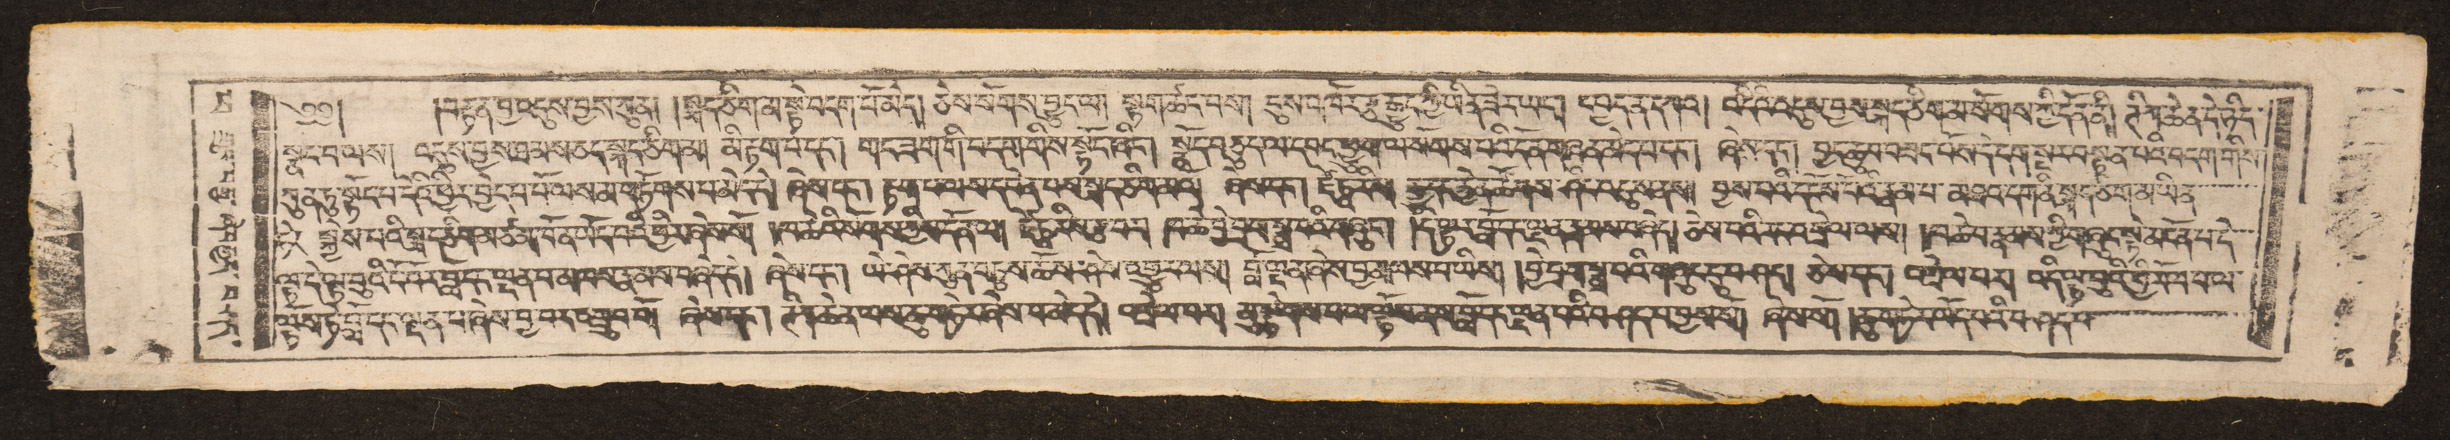༄༅། །བརྟན་བྱ་འདུས་བྱས་ཀུན། །སྐད་ཅིག་མ་སྟེ་བདག་པོ་མེད། ཅེས་སོགས་བྱུང་ལ། སྟག་ཚང་བས། དུས་འཁོར་རྩ་རྒྱུད་ཀྱི་ཡིན་ཟེར་ཡང་། དཔྱད་ན་དཀའ། འདིའི་འདུས་བྱས་སྐད་ཅིག་མ་སོགས་ཀྱི་དོན་ནི། ཊིཀ་ཆེན་དེ་ཉིད་
སྣང་བ་ལས། འདུས་བྱས་ཐམས་ཅད་སྐད་ཅིག་མ། མི་རྟག་པ་དང་། གང་ཟག་གི་བདག་གིས་སྟོང་ཞིང་། སྣོད་བཅུད་ལ་དབང་ཕྱུག་ལ་སོགས་པའི་དོན་གཞན་མེད་པ་དང་། ཞེས་དང་། བྱང་ཆུབ་བཟང་པོས་དེ་དག་སྔར་བསྟན་པའི་བདག་གིས་
ཀུན་ཏུ་སྟོང་པ་དེའི་ཕྱིར་བྱེད་པ་པོ་ལས་མ་གཏོགས་པ་མེད་དེ། ཞེས་དང་། རྟག་པ་ལས་དབེན་བས་སྐད་ཅིག་མའོ། ཞེས་དང་། ཛེ་ཏཱ་རིས། རྒྱུ་དང་རྐྱེན་ཚོགས་ཤིང་འདུས་ནས། བྱས་པའི་དངོས་པོའི་རྣམ་པ་མཐའ་དག་ནི་སྐད་ཅིག་མ་ཡིན་
ཏེ༑ སྐྱེས་པའི་སྐད་ཅིག་མ་ཙམ་ཁོ་ན་ཡོད་པའི་ཕྱིར་ཞེས་སོ། །ཁ་ཆེའི་སོགས་ཀྱིས་དོན་ལ། ཛེ་ཏཱ་རིས་རྩ་བར། ཁ་ཆེ་བྱེ་བྲག་སྨྲ་བའི་གཞུང་། །དེ་ལྟར་བློ་དང་ལྡན་རྣམས་བཞེད། ཅེས་པའི་རང་འགྲེལ་ལས། །ཁ་ཆེ་བ་རྣམས་ཀྱི་གཞུང་སྟེ་མངོན་པ་དེ་
ལྟ་དེ་ལྟ་བུའི་ངོ་བོར་བློ་དང་ལྡན་པ་མཁས་རྣམས་བཞེད་དེ། ཞེས་དང་། ཡེ་ཤེས་ཀུན་བཏུས་ཆོས་ཤེས་འགྱུར་ལས། བློ་ལྡན་ཞེས་བྱ་མཁས་པ་ཡིས། །བྱེ་བྲག་སྨྲ་བའི་གཞུང་དུ་བཤད། ཅེས་དང་། འགྲེལ་བར། འདི་ལྟ་བུའི་ཕྱི་རོལ་པ་ལ་
ལྟོས་ཏེ་བློ་དང་ལྡན་པ་ཞེས་བྱ་བར་འགྲུབ་བོ། ཞེས་དང་། ཊིཀ་ཆེན་ལས་ཆུ་གཏེར་ཞེས་པ་མེད་དེ། འགྲེལ་བར། མུ་སྟེགས་པ་ལ་ལྟོས་ནས་བློ་དང་ལྡན་པའི་བཤད་པ་བྱས་སོ། ཞེས་སོ། །ཆུ་གཏེར་ཡོད་པའི་བཤད་པ་